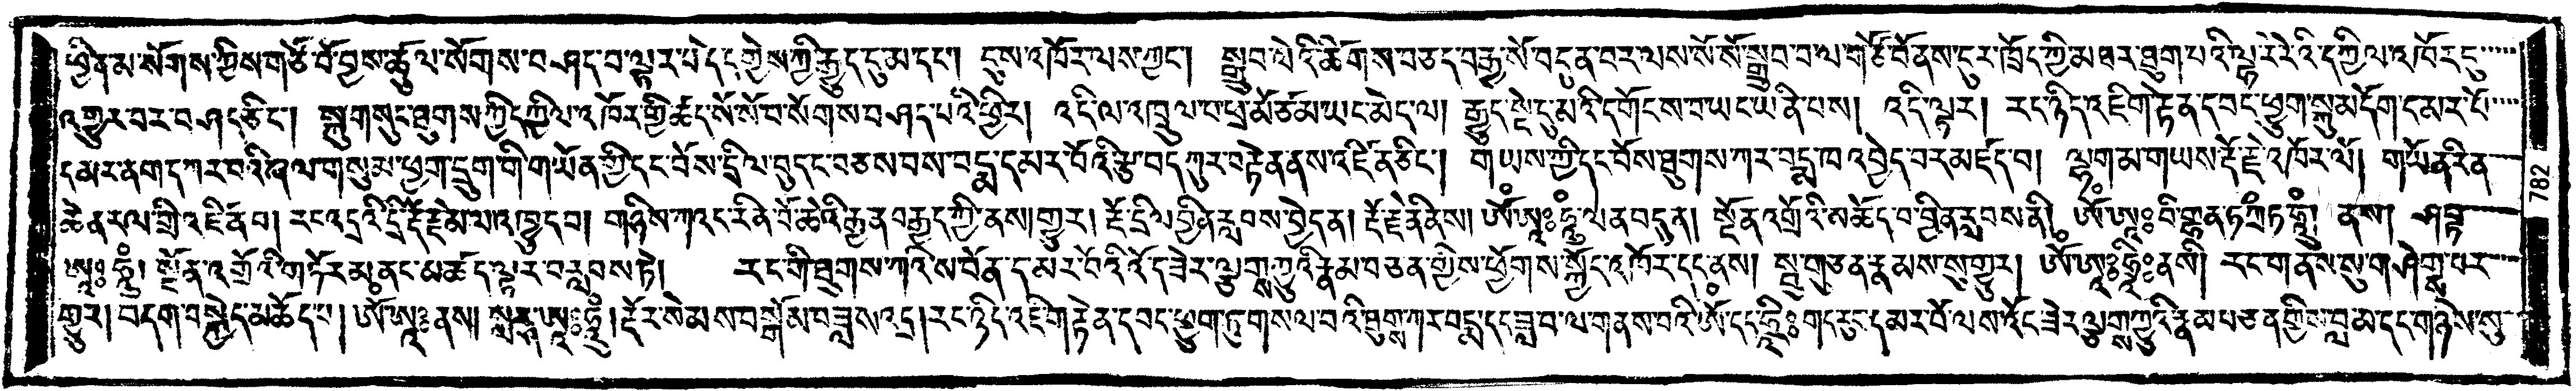ཕྱིན་མ་སོགས་ཀྱིས་གཙོ་བོ་བྱས་ཚུལ་སོགས་བཤད་བ་ལྟར་པ་དེད་གྱིས་ཀྱི་རྒྱུད་དུ་མ་དང་། དུས་འཁོར་ལས་ཀྱང་། སྒྲུབ་ལེའི་ཚིགས་བཅད་བརྒྱ་སོ་བདུན་བར་ལས་སོ་སོ་སྒྲུབ་བ་ལ་གཙོ་བོ་ནས་དུར་ཁྲོད་ཀྱི་མཐར་ཐུག་བའི་ལྷ་རེ་རེའི་དཀྱིལ་འཁོར་དུ་
འགྱུར་བར་བཤད་ཅིང་། སྐུ་གསུང་ཐུགས་ཀྱི་དཀྱིལ་འཁོར་གྱི་ཚད་སོ་སོ་བ་སོགས་བཤད་པའི་ཕྱིར། འདི་ལ་འཁྲུལ་པ་ཕྲ་མོ་ཙམ་ཡང་མེད་ལ། རྒྱུད་སྡེ་དུ་མའི་དགོངས་བ་ཡང་ཡིན་པས། འདི་ལྟར། རང་ཉིད་འཇིག་རྟེན་དབང་ཕྱུག་སྐུ་མདོག་དམར་པོ་
དམར་ནག་དཀར་བའི་ཞལ་གསུམ་ཕྱག་དྲུག་གི་གཡོན་གྱི་དང་བོས་དྲིལ་བུ་དང་བཅས་བས་པདམ་དམར་བོའི་རྩ་བད་ཀུར་བརྟེན་ནས་འཛིན་ཅིང་། གཡས་ཀྱི་དང་བོས་ཐུགས་ཀར་པདམ་ཁ་འབྱེད་བར་མཛད་བ། ལྷག་མ་གཡས་རྡོ་རྗེ་འཁོར་ལོ། གཡོན་རིན་
ཆེན་རལ་གྲི་འཛིན་པ། རང་འདྲའི་དྲི་རྡོ་རྗེ་མ་ལ་འཁྱུང་བ། གཉིས་ཀའང་རིན་བོ་ཆེའི་རྒྱན་བརྒྱད་ཀྱི་ནས། གྱུར། རྡོ་དྲིལ་བྱིན་རླབས་བྱེད་ན། རྡོ་རྗེ་ནི་ནས། ཨོཾ་ཨཱཿཧཱུཾ་ལན་བདུན། སྔོན་འགྲོའི་མཆོད་བ་བྱིན་རླབས་ནི། ཨོཾ་ཨཱཿབི་གྷན་ཏ་ཀྲཾ་ཧཱུཾ། ནས། ཤཔྟ་
ཨཱཿཧཱུཾ། སྔོན་འགྲོའི་གཏོར་མ་ནང་མཚད་ལྟར་བརླབས་ཏེ། རང་གི་ཐུགས་ཀའི་ས་བོན་དམར་བོའི་འོད་ཟེར་ལྕགས་ཀྱུའི་རྣམ་པ་ཅན་གྱིས་ཕྱོགས་སྐྱོད་འཁོར་དང་ནས། སྦུ་གུ་ཅན་རྣམས་སུ་གྱུར། ཨོཾ་ཨཱཿཧྲཱིཿནས། རང་གནས་སུ་གཤེགས་པར་
གྱུར། བདག་བསྐྱེད་མཆོད་པ། ཨོཾ་ཨཱཿནས། སླར་ཨཱཿནས། སླར་ཨཱཿཏཱུཾ?། རྡོར་སེམས་བསྒོམ་བཟླས་འདྲ། རང་ཉིད་འཇིག་རྟེན་དབང་ཕྱུག་ཏུ་གསལ་བའི་ཐུགས་ཀར་པདམ་དང་ཟླ་བ་ལ་གནས་བའི་ཨོཾ་དང་ཧྲཱིཿ གང་རུང་དམར་བོ་ལས་འོད་ཟེར་ལྕགས་གྱུའི་རྣམ་པ་ཅན་གྱིས་བླ་མ་དང་གཉིས་སུ་